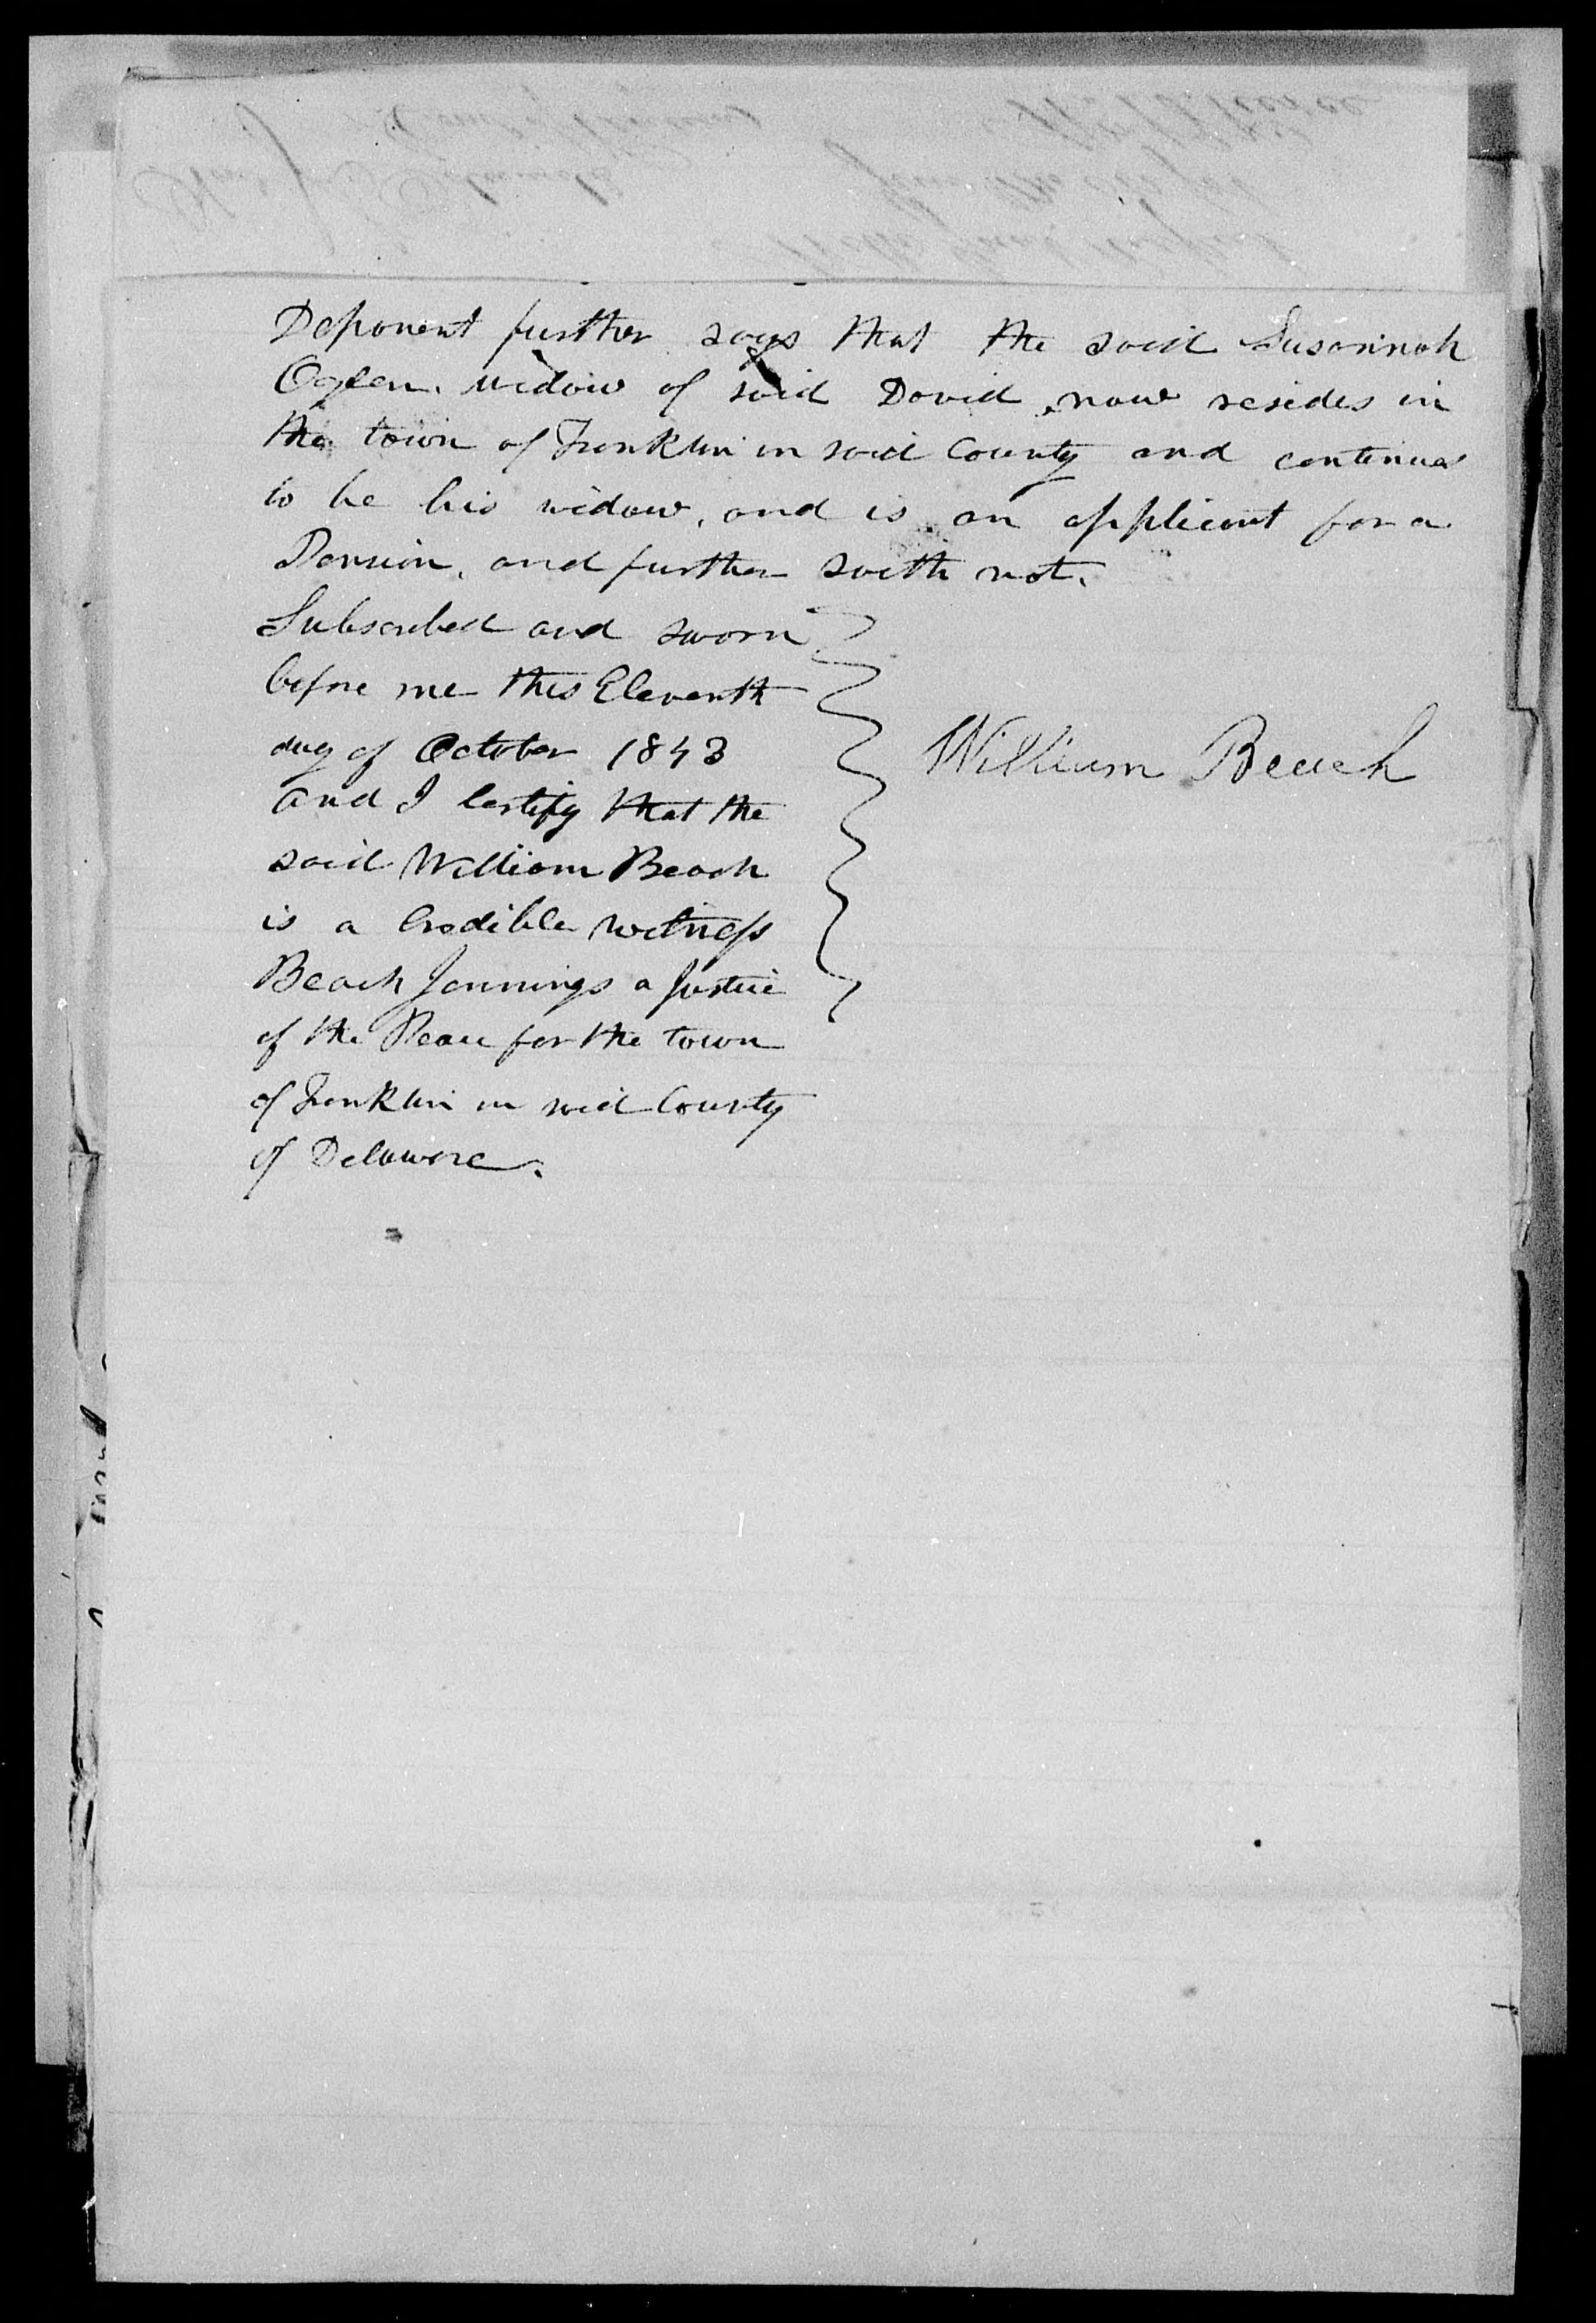Deponent further says that the said Susannah
Ogden, widow of said David now resides in
the town of Franklin in said County and continues 
to be his widow, and is an applicant for a
Pension, and further saith not.
William Beach

Subscribed and sworn
before me this Eleventh
day of October 1843
and I certify that the
said William Beach 
is a credible witness
Beach Jennings a Justice
of the Peace for the town of
Franklin in said County
of Delaware.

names: William Beach; David [BLANK]; Susannah Ogden; Beach Jennings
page: 7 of 40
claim: widow's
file: W. 24364, for David Ogden, New York